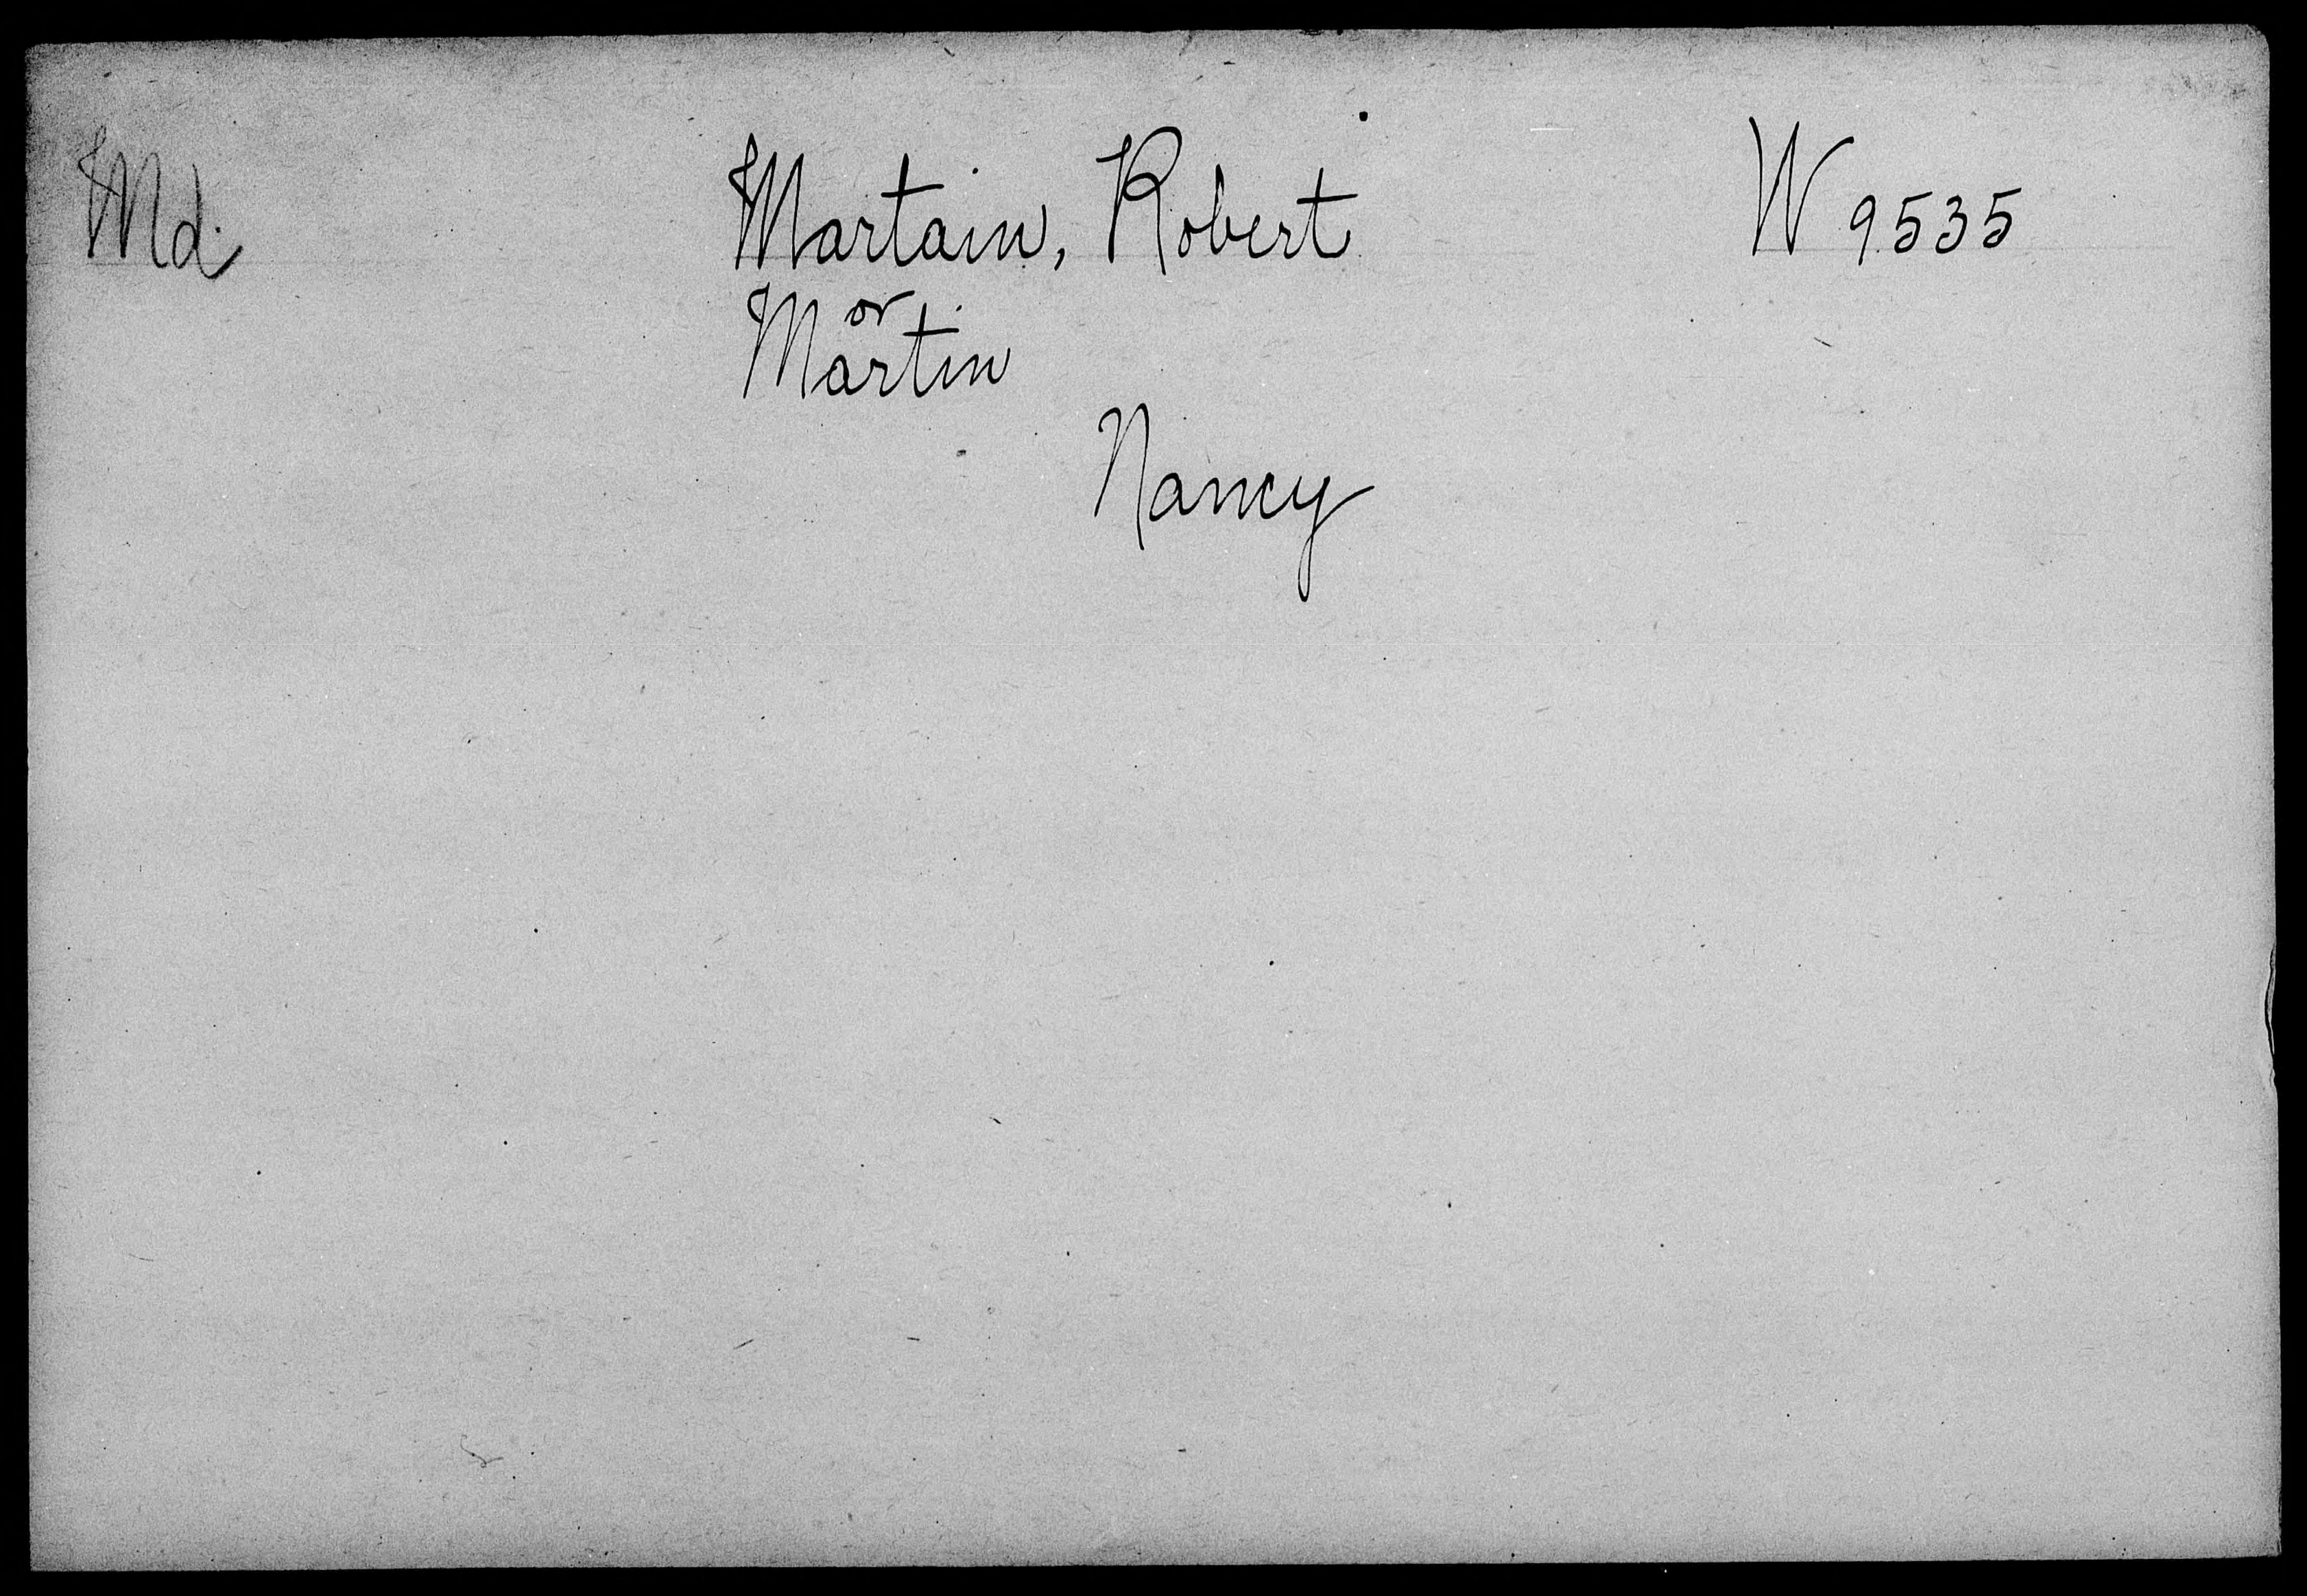Md.

Martain, Robert
or
Martin
Nancy

W 9535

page: 1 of 1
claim: widow's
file: W 9535, for Robert Martain, Maryland